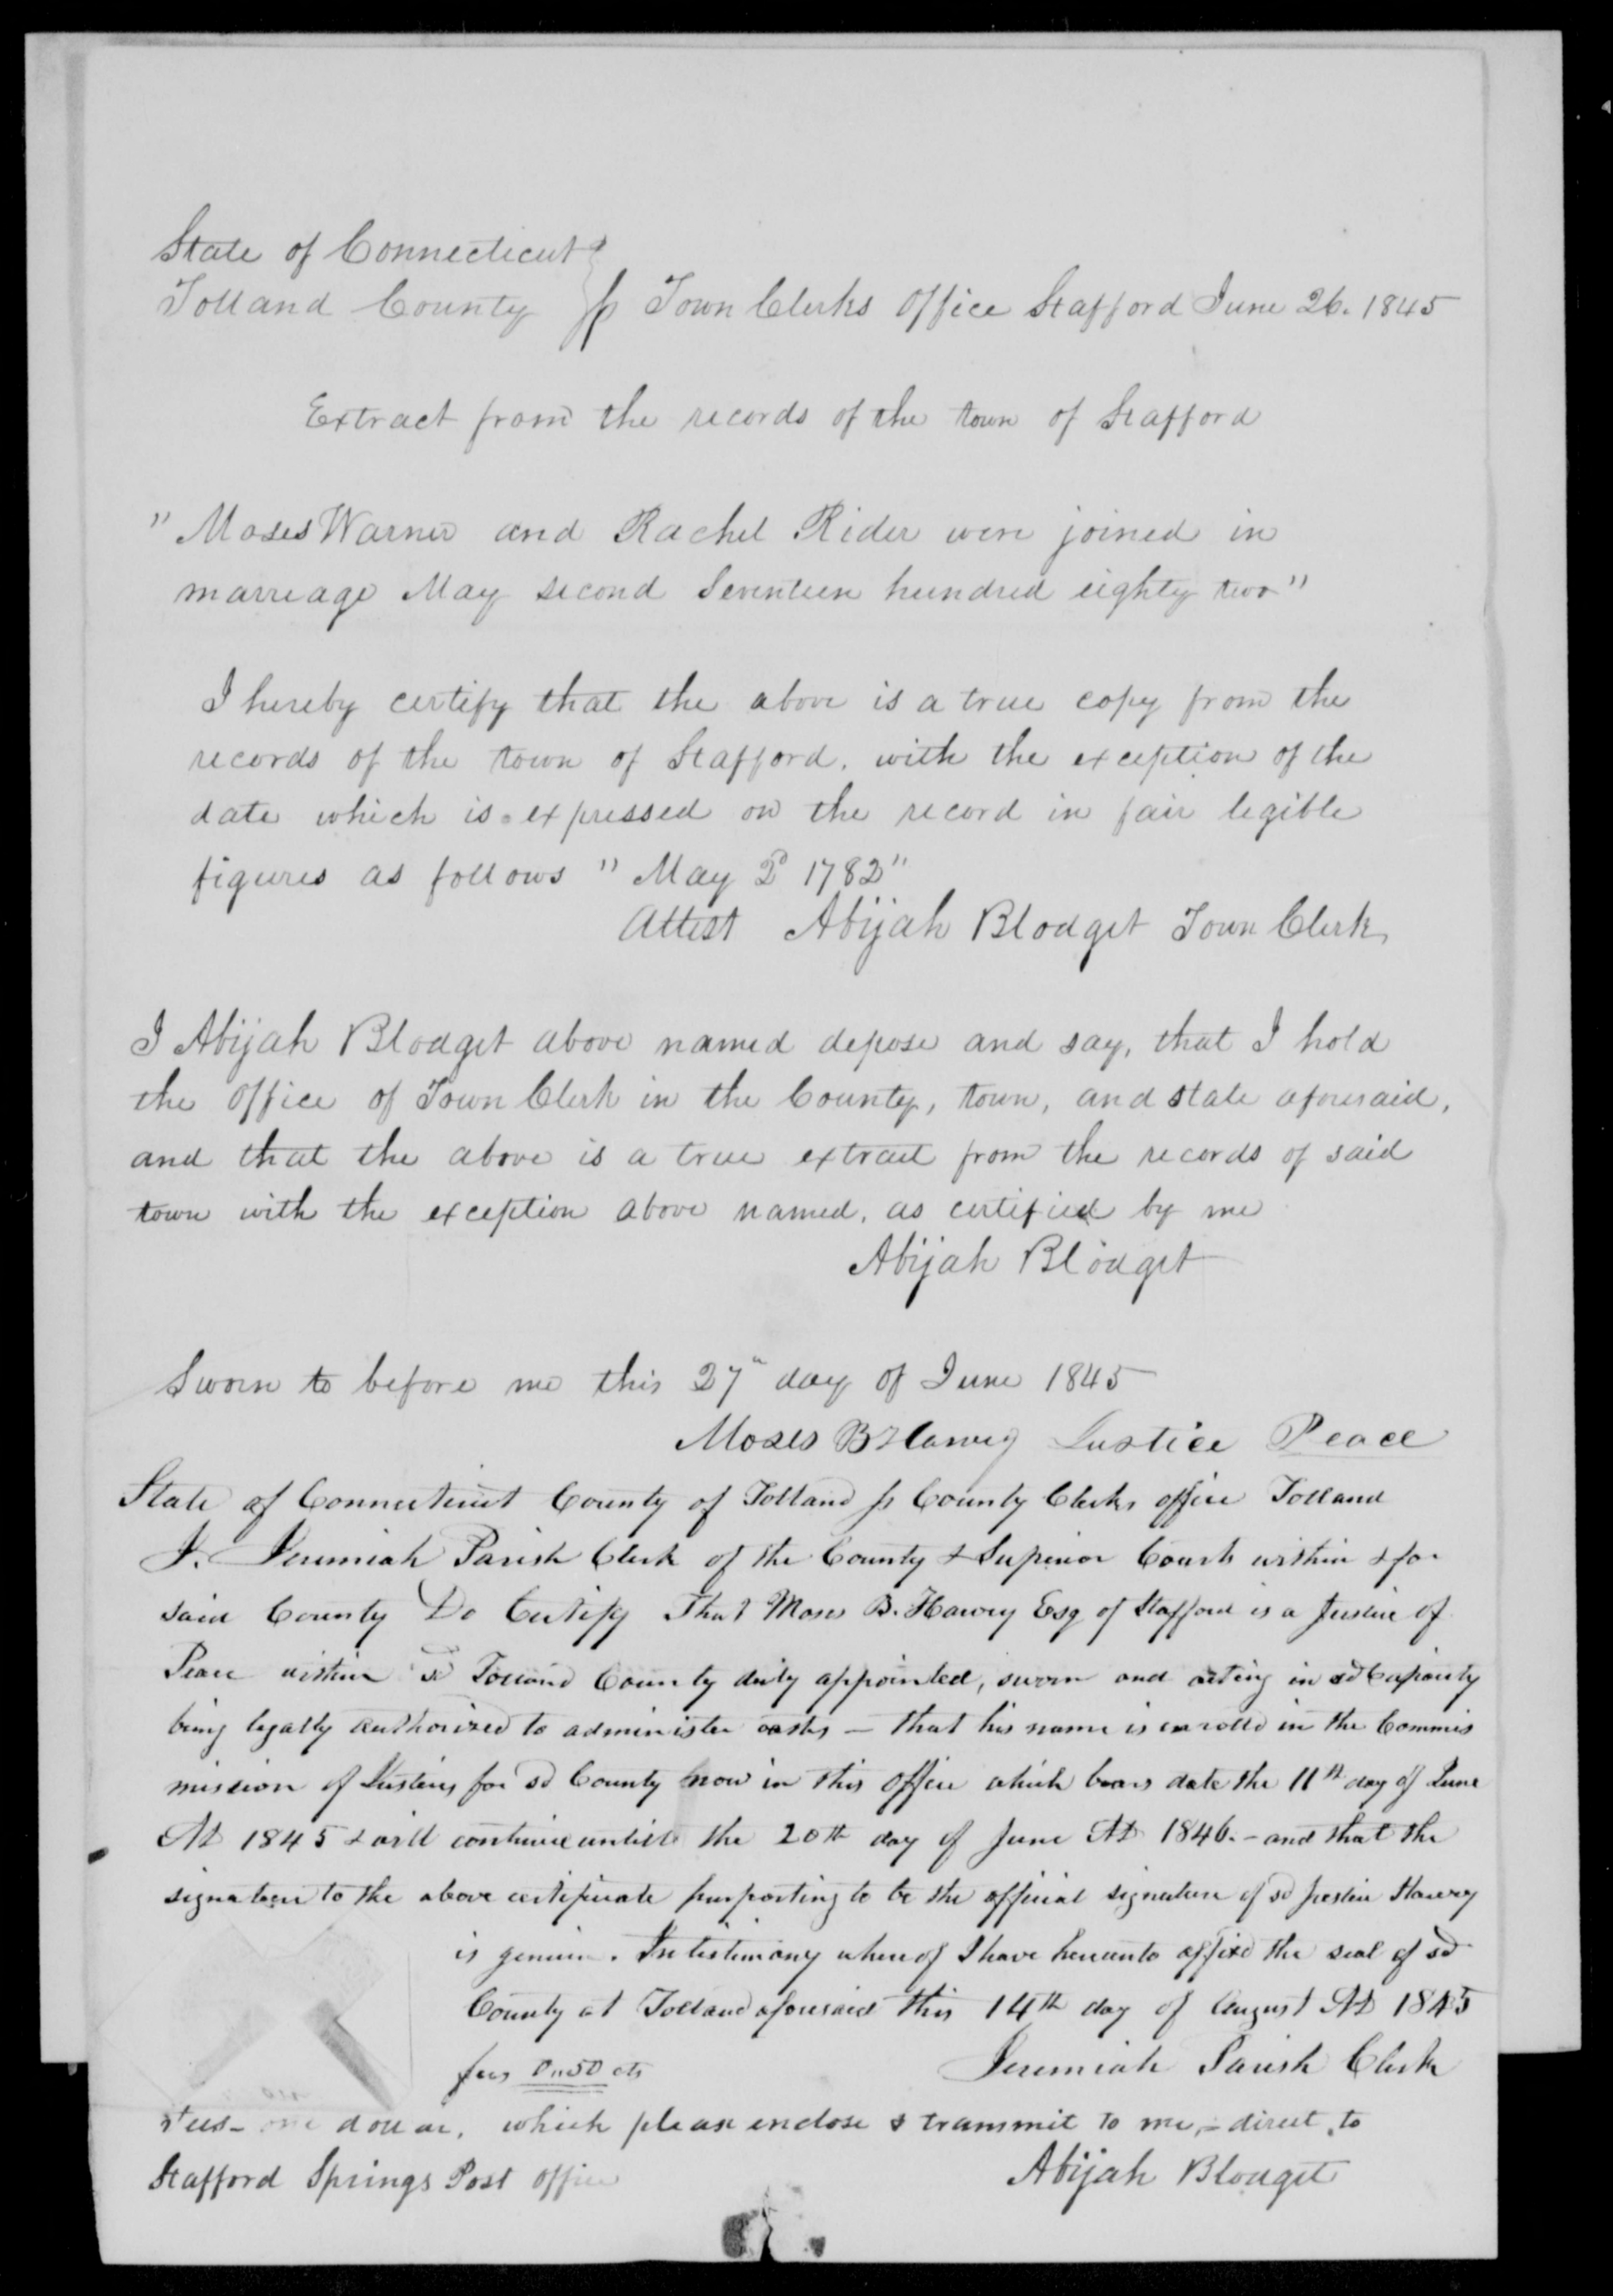State of Connecticut}
Tolland County }   Town Clerks Office Stafford June 26. 1845
Extract from the records of the town of Stafford

"Moses Warner and Rachel Rider were joined in
marriage May second Seventeen hundred eighty two"

I hereby certify that the above is a true copy from the
records of the town of Stafford with the exception of the 
date which is expressed on the record in fair legible
figures as follows "May 2 1782"
Attest Abijah Blodget Town Clerk

I Abijah Blodget above named depose and say, that I hold
the Office of Town Clerk in the County, town and state aforesaid,
and that the above is a true extract from the records of said
town with the exception above named, as certified by me
Abijah Blodget

Sworn to before me the 27th day of June 1845
Moses B Hawey Justice Peace

State of Connecticut County of Tolland County Clerk office Tolland
I Jeremiah Parish Clerk of the County and Superior Court within and for
said County Do Certify that Moses B Hawey Esq of Stafford is a Justice of
Peace within said Tolland County duly appointed, sworn and acting in said capacity
being legally authorized to administer oaths---that his name is enrolled in the Commis
mission of Justices for said County now in this office which bears the date the 11th day of June
AD 1845 and will continue untill the 20th day of June AD 1846- and that the
signature to the above certificate purporting to be the official signature of said Justice Hawey
is genuine. In testimony whereof I have hereunto affixed the seal of said
County at Tolland aforesaid this 14th day of August AD 1845
Jeremiah Parish Clerk
fees 0.50 cts
{Illegible} one dollar, which please enclose and transmit to me- direct to
Stafford Springs Post Office     
Abijah Blodget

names: Moses Warner, Abijah Blodget, Jeremiah Parish, Abijah Blodget, Moses B Hawey, Abijah Blodget, Harvey, Rachel Rider, Jeremiah Parish, Abijah Blodget, Moses B Hawey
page: 5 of 40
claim: widow's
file: W. 3742, Moses Warner, Conn.